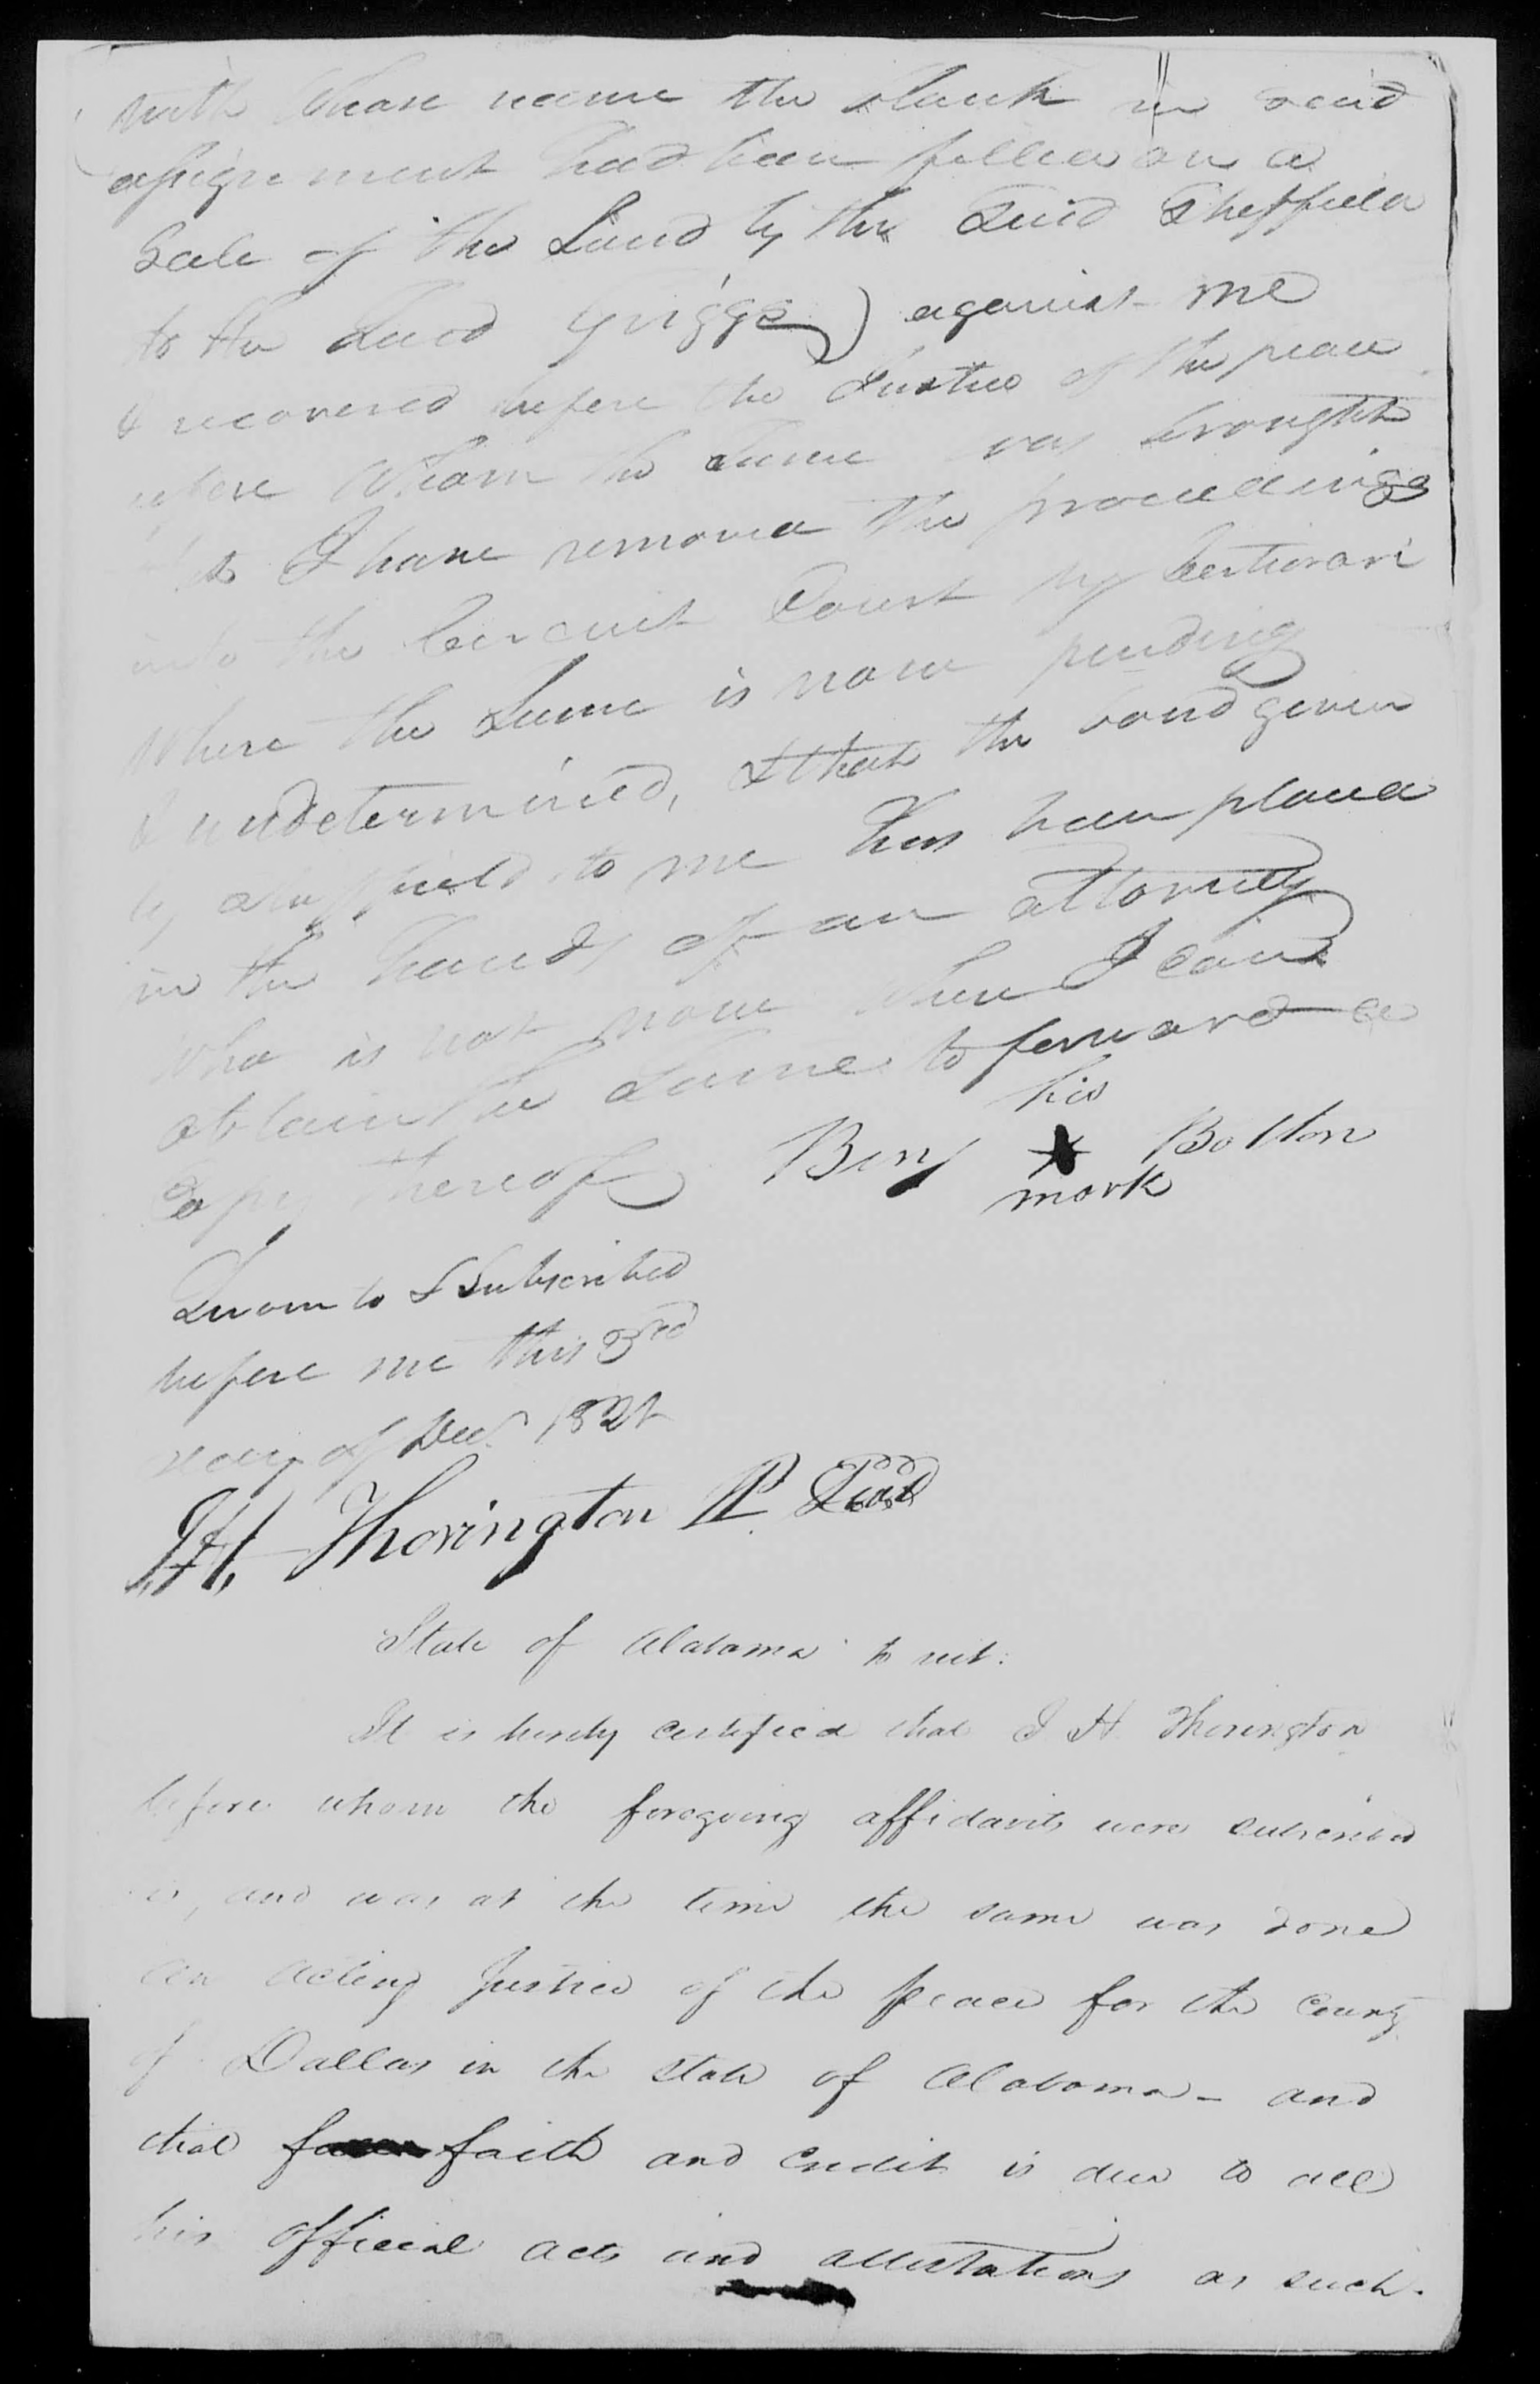(with Whose name the blank in said
assignment had been filled on a
sale of the land by the Said Sheffield
to the said Griggs) against me & recovered before the Justice of the peace upon whom the Land was brought That I have removed the proceedings into the Circuit Court by [illegible]
where the Land is now pending &
undetermined, & that the bond given by 
Sheffield to me has been placed in the hands of an attorney Who is not now where I obtain the Land to farm and a copy thereof

Benj [X his mark] Bolton

Sworn to & subscribed before me this 3rd day
of Dec. 1821 
S/J. H. Thorington JP [personal seal]



State of Alabama to wit:
It is hereby certified that JH Thorington
before whom the foregoing affidavits were subscribed is, and was at the time the same was done an acting Justice of the peace for the County of Dallas in the State of Alabama. and that [crossed out] faith and credit is due to all his official acts and attestations as such.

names: J H Thorington, Suid Sheffield, Griggs, J H Thorington, Benj Bolton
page: 22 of 29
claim: survivor's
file: S. 37,795, Benjamin Bolton, N.C.